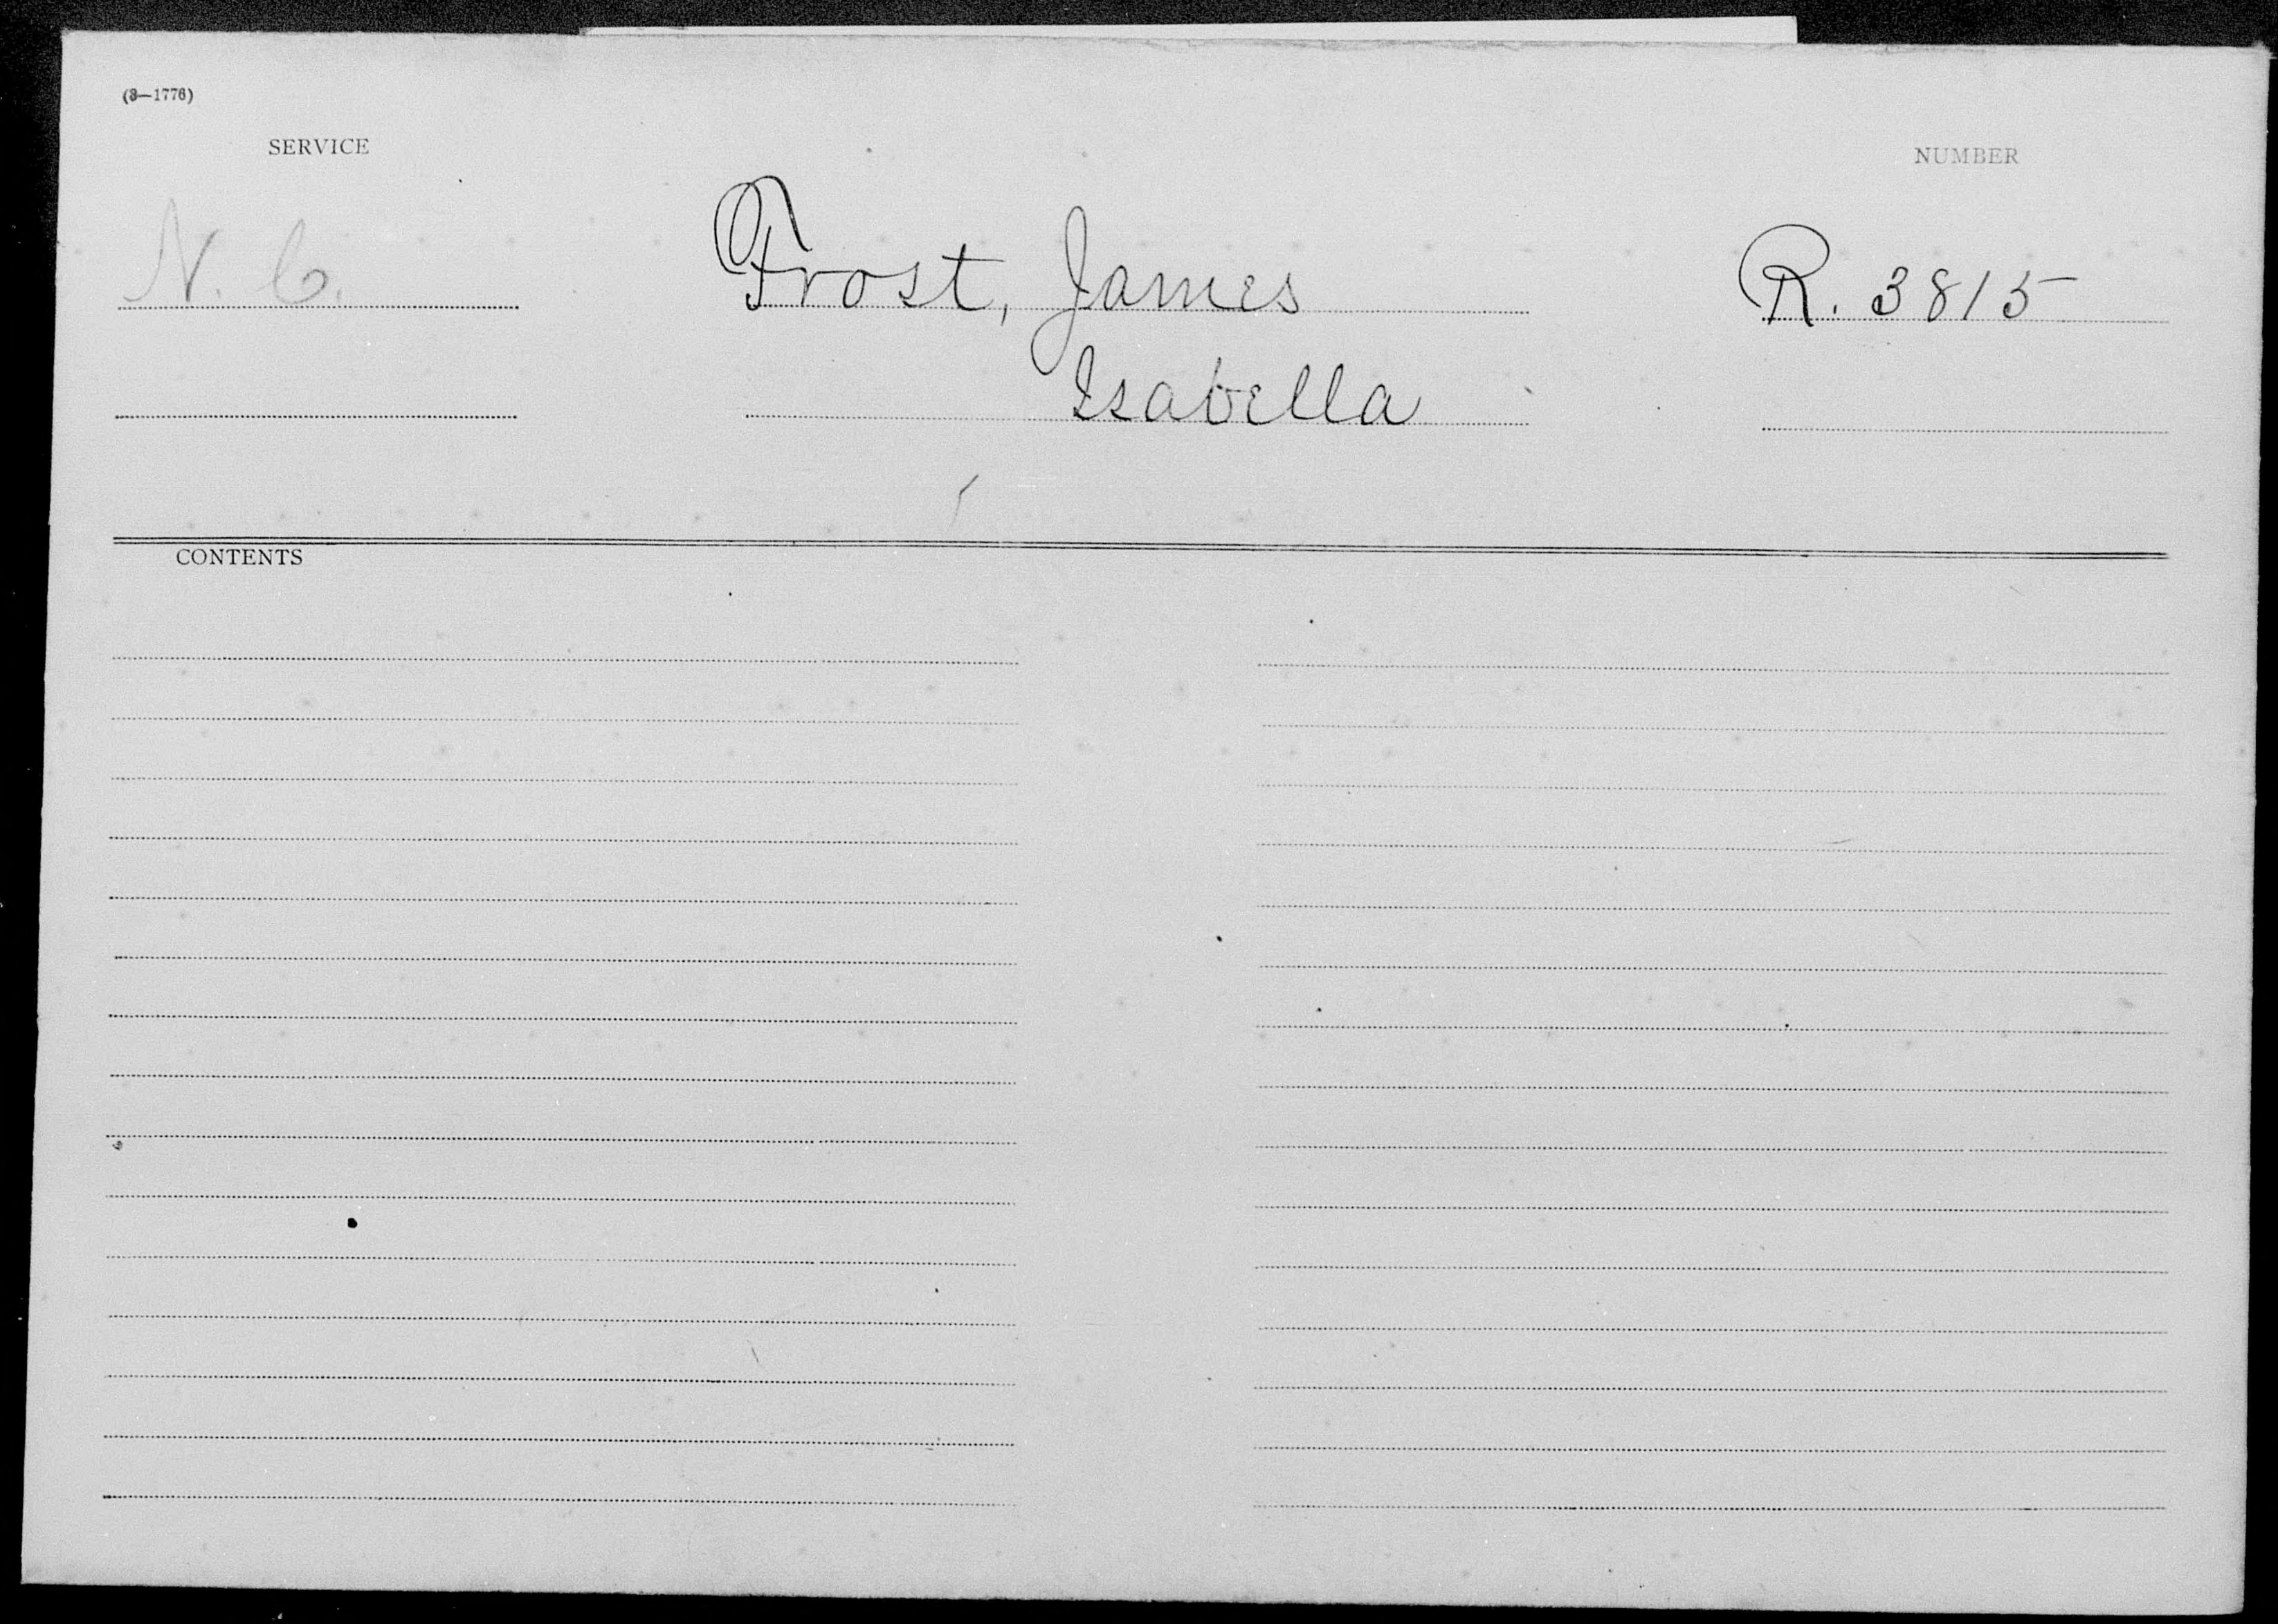(3 -- 1776)
Service N.C. Frost, James Isabella Number R. 3815 Contents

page: 1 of 15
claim: rejected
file: R. 3815, James Frost, N.C.